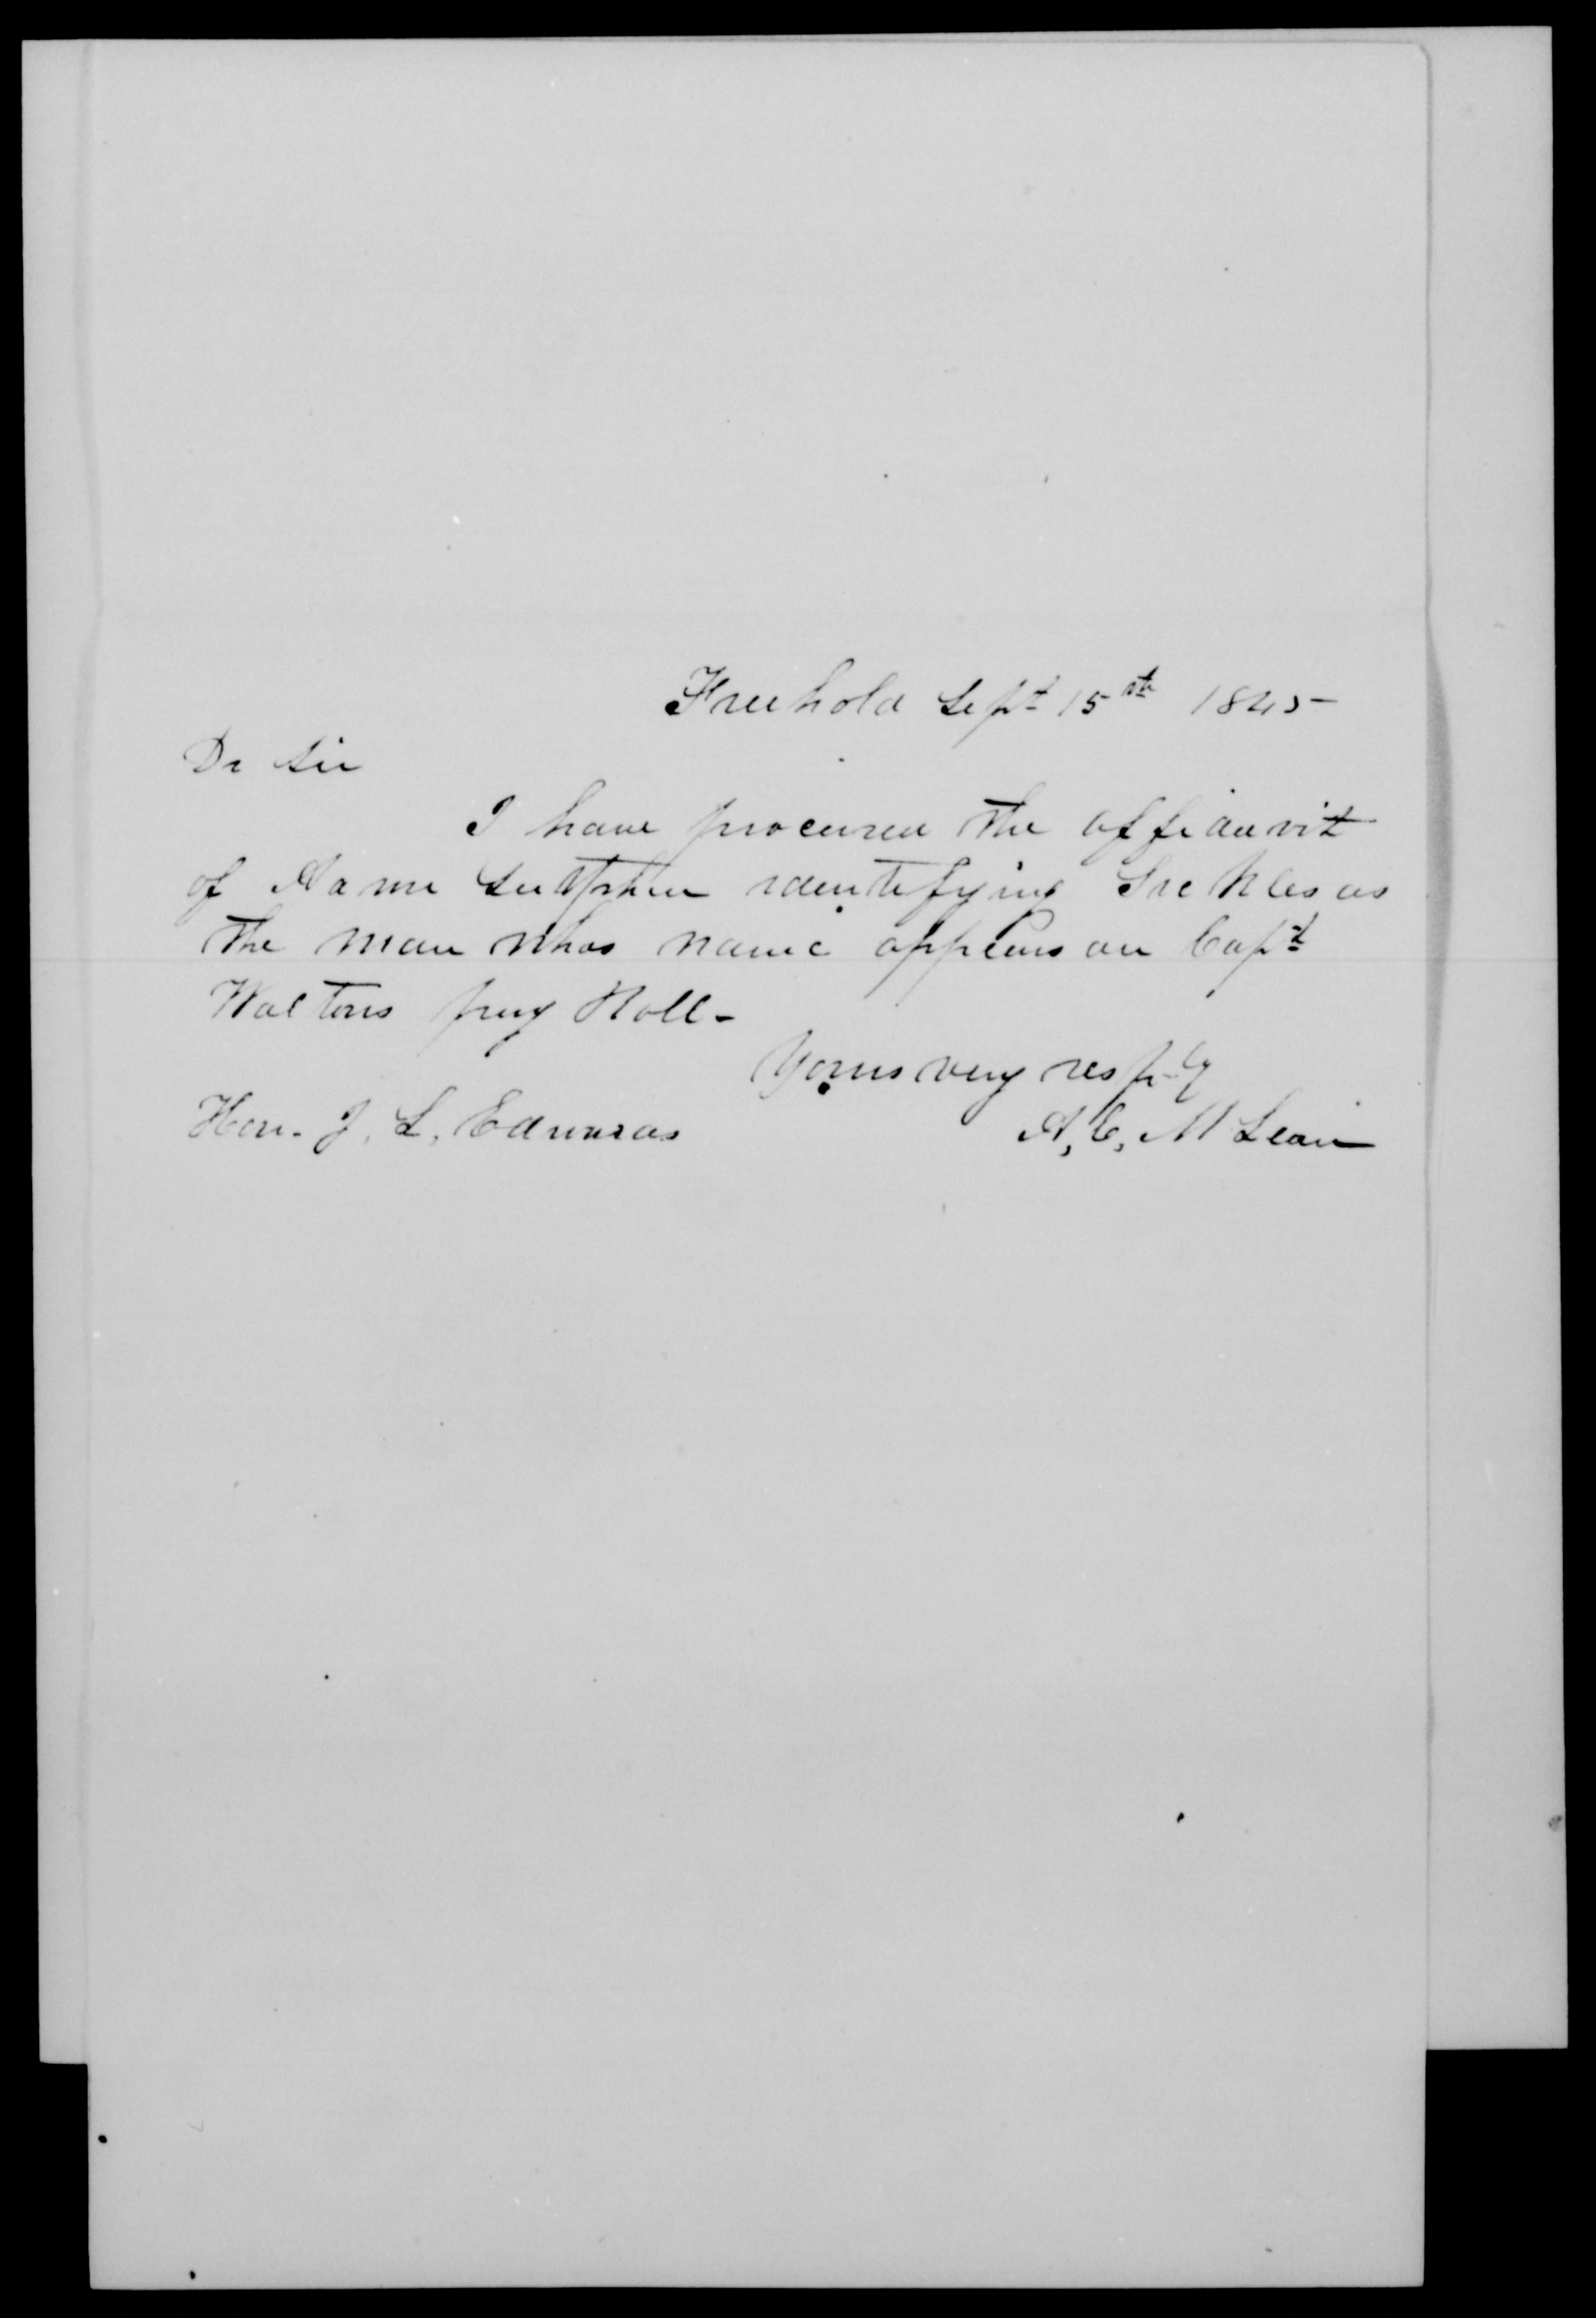Freehold Sept 15th 1845
Dr Sir
I have procured the affidavit of James Sutphen identifying Sickles as the Man whos name appears on Capt Waltons pay Roll -
Yours very resp'ly
Hon. J. L. Edwards A. C. McLean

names: [BLANK] Sickles; Aaron Sutphen; A C Mc Lean; [BLANK] Walton; J L Edwards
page: 24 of 33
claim: survivor's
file: S. 4,841, for James Sickles, New Jersey